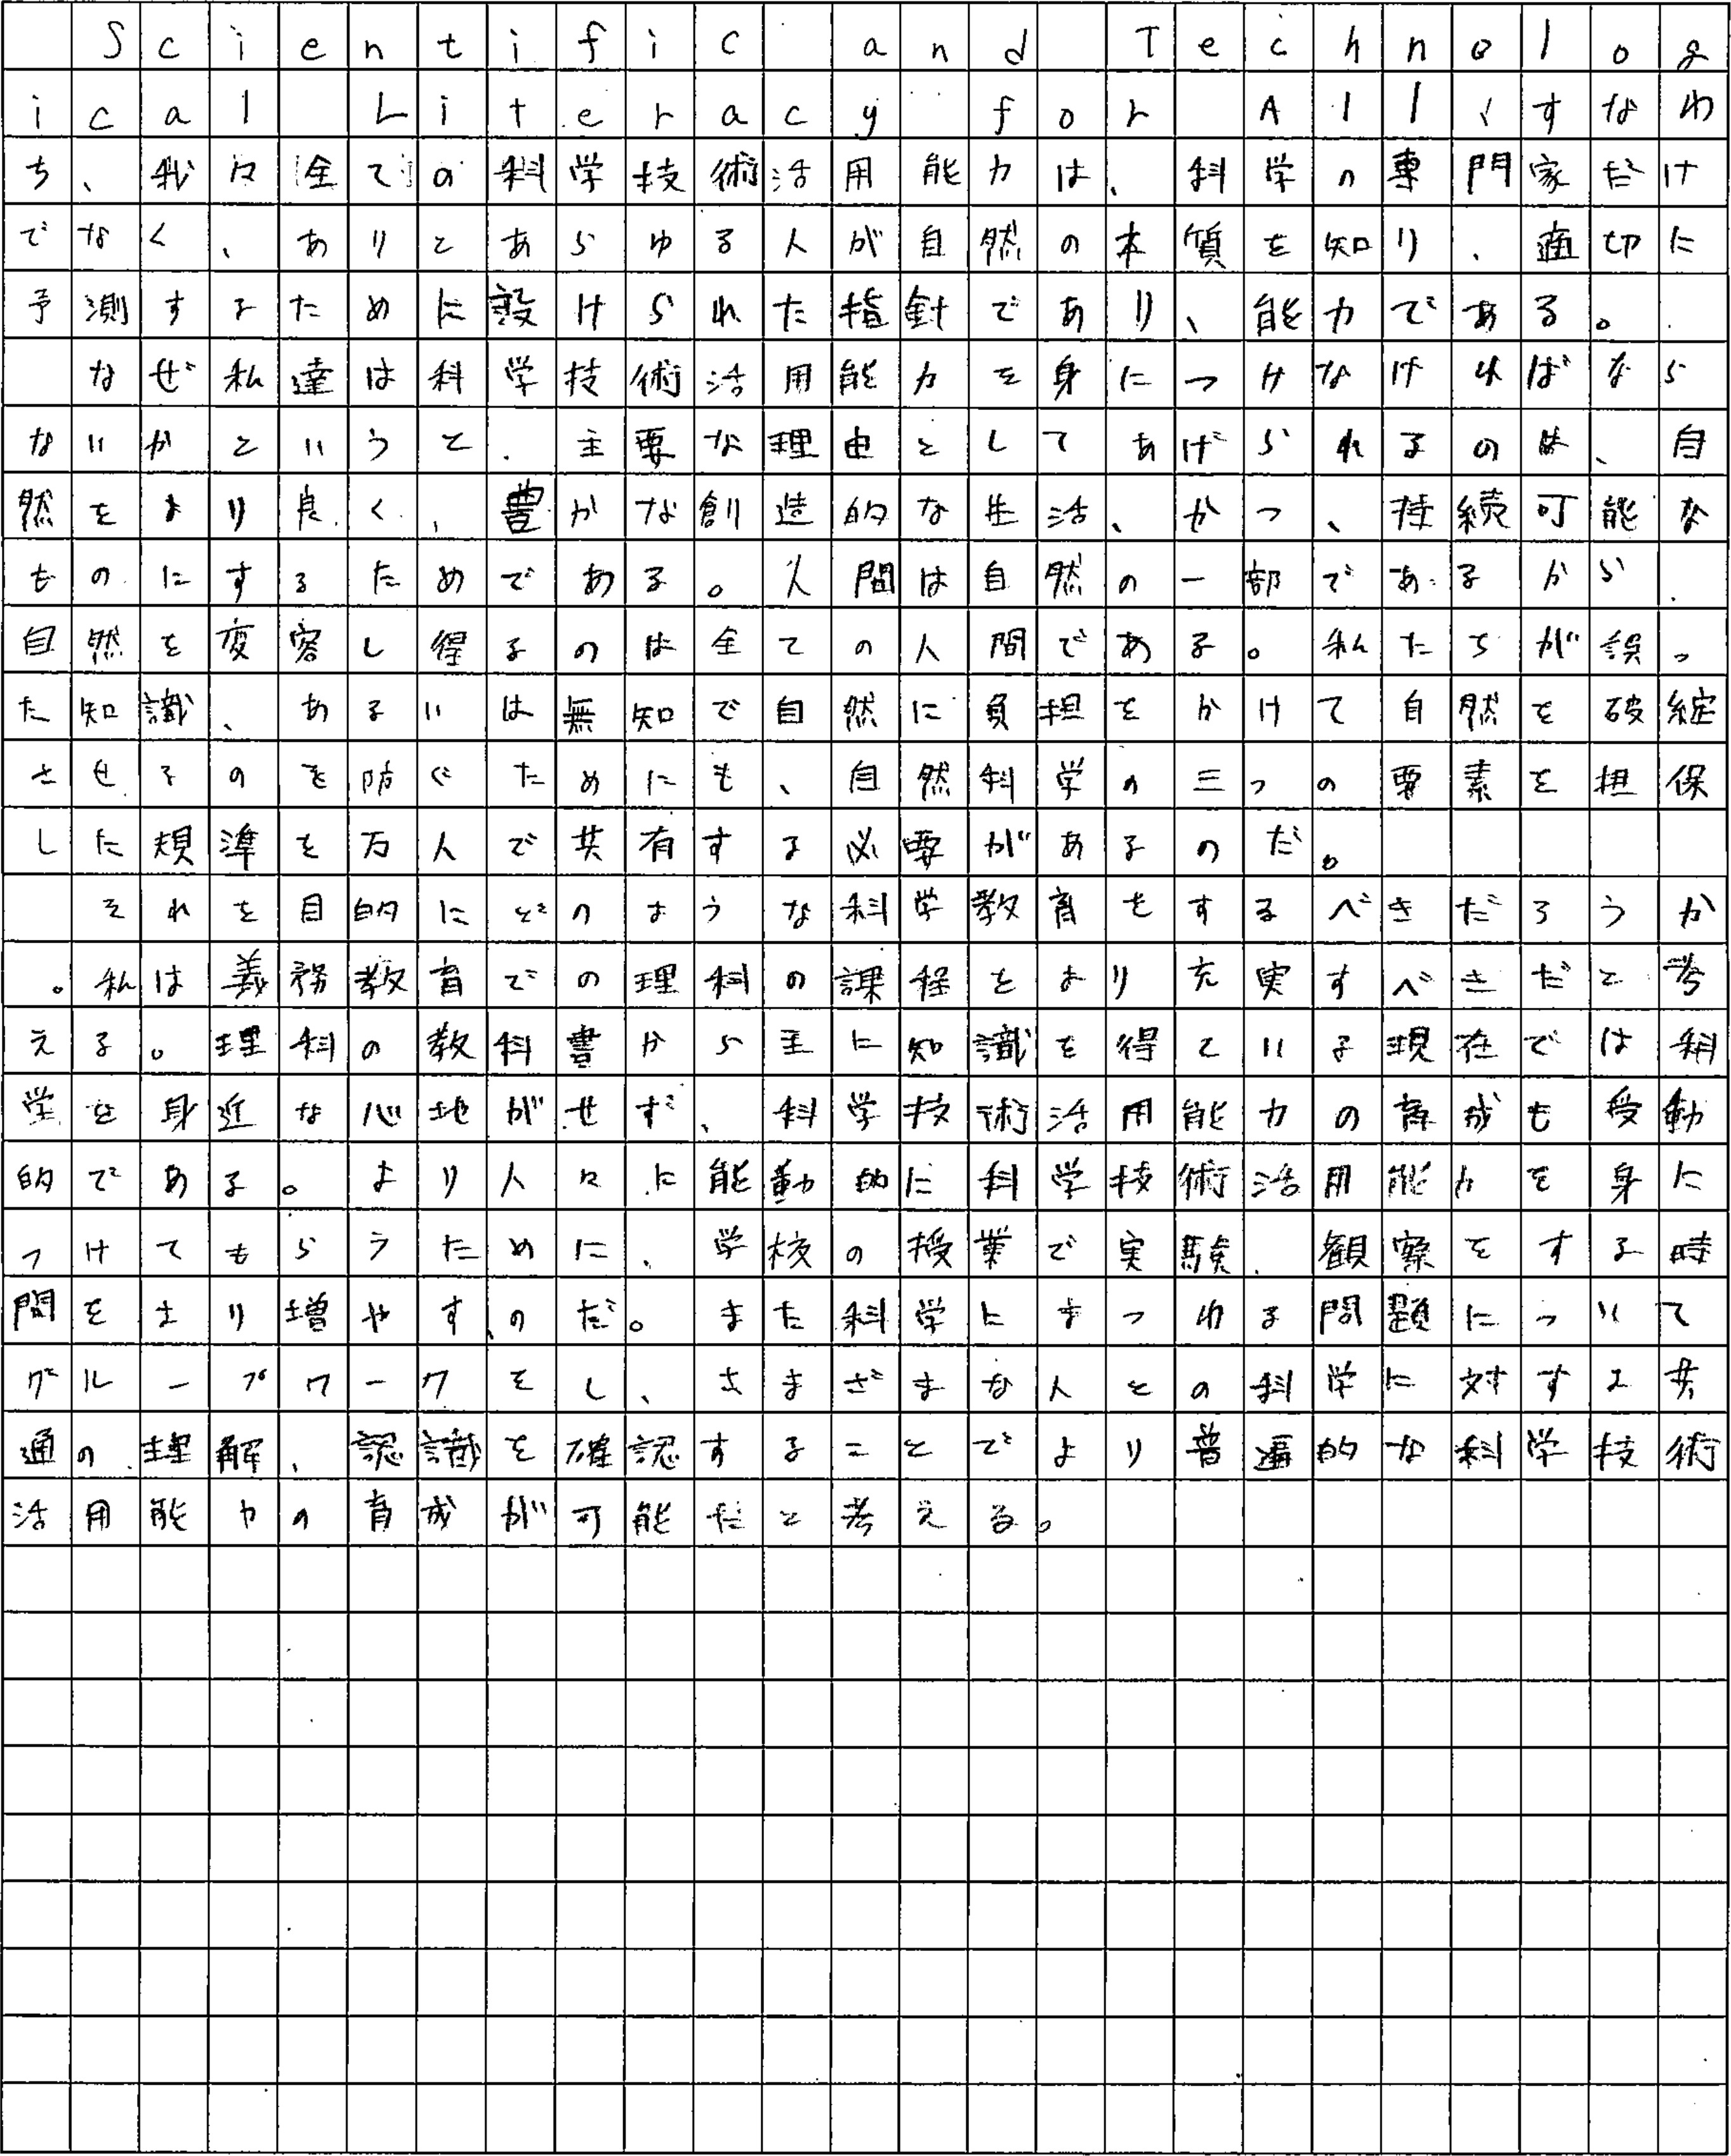　Ｓｃｉｅｎｔｉｆｉｃ　ａｎｄ　Ｔｅｃｈｎｏｌｏｇｉｃａｌ　Ｌｉｔｅｒａｃｙ　ｆｏｒ　Ａｌｌ、すなわち、我々全ての科学技術活用能力は、科学の専門家だけでなく、ありとあらゆる人が自然の本質を知り、適切に予測するために設けられた指針であり、能力である。
　なぜ私達は科学技術活用能力を身につけなければならないかというと、主要な理由としてあげられるのは、自然をより良く、豊かな創造的な生活、かつ、持続可能なものにするためである。人間は自然の一部であるから、自然を変容し得るのは全ての人間である。私たちが誤った知識、あるいは無知で自然に負担をかけて自然を破綻させるのを防ぐためにも、自然科学の三つの要素を担保した規準を万人で共有する必要があるのだ。
　それを目的にどのような科学教育をするべきだろうか。私は義務教育での理科の過程をより充実すべきだと考える。理科の教科書から主に知識を得ている現在では科学を身近な心地がせず、科学技術活用能力の育成も受動的である。より人々に能動的に科学技術活用能力を身につけてもらうために、学校の授業で実験、観察をする時間をより増やすのだ。また科学にまつわる問題についてグループワークをし、さまざまな人との科学に対する共通の理解、認識を確認することでより普遍的な科学技術活用能力の育成が可能だと考える。
